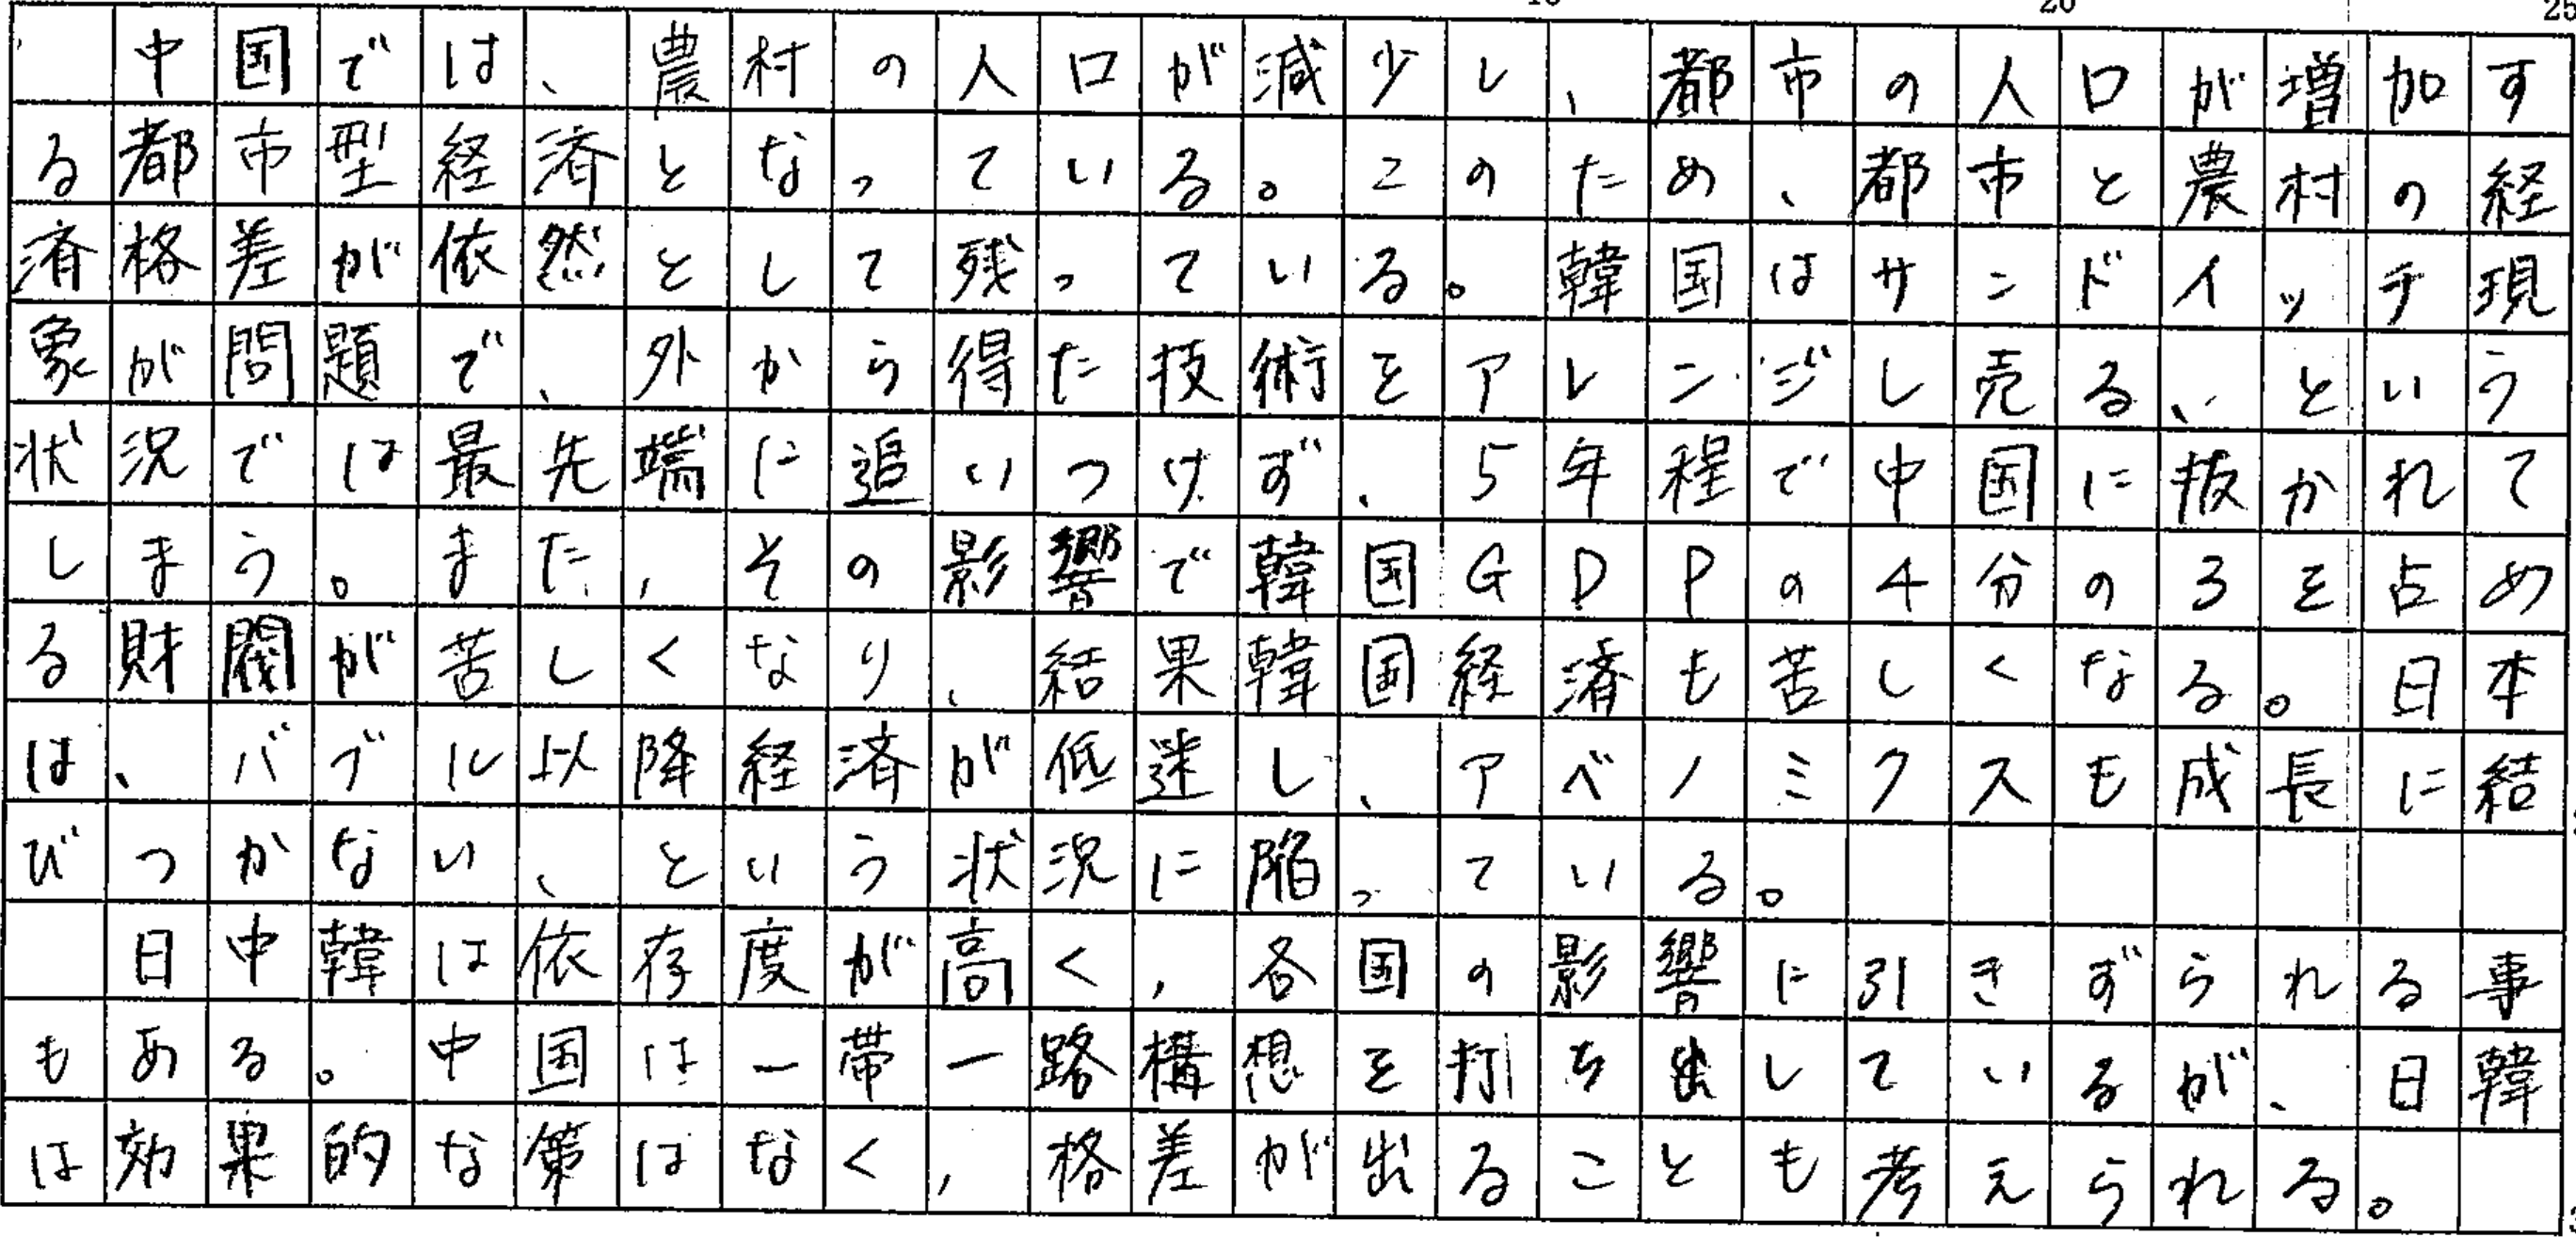　中国では、農村の人口が減少し、都市の人口が増加する都市型経済となっている。このため、都市と農村の経済格差が依然として残っている。韓国はサンドイッチ現象が問題で、外から得た技術をアレンジし売る、という状況では最先端に追いつけず、５年程で中国に抜かれてしまう。また，その影響で韓国ＧＤＰの４分の３を占める財閥が苦しくなり、結果韓国経済も苦しくなる。日本は、バブル以降経済が低迷し、アベノミクスも成長に結びつかない、という状況に陥っている。
　日中韓は依存度が高く，各国の影響に引きずられる事もある。中国は一帯一路構想を打ち出しているが、日韓は効果的な策はなく，格差が出ることも考えられる。
